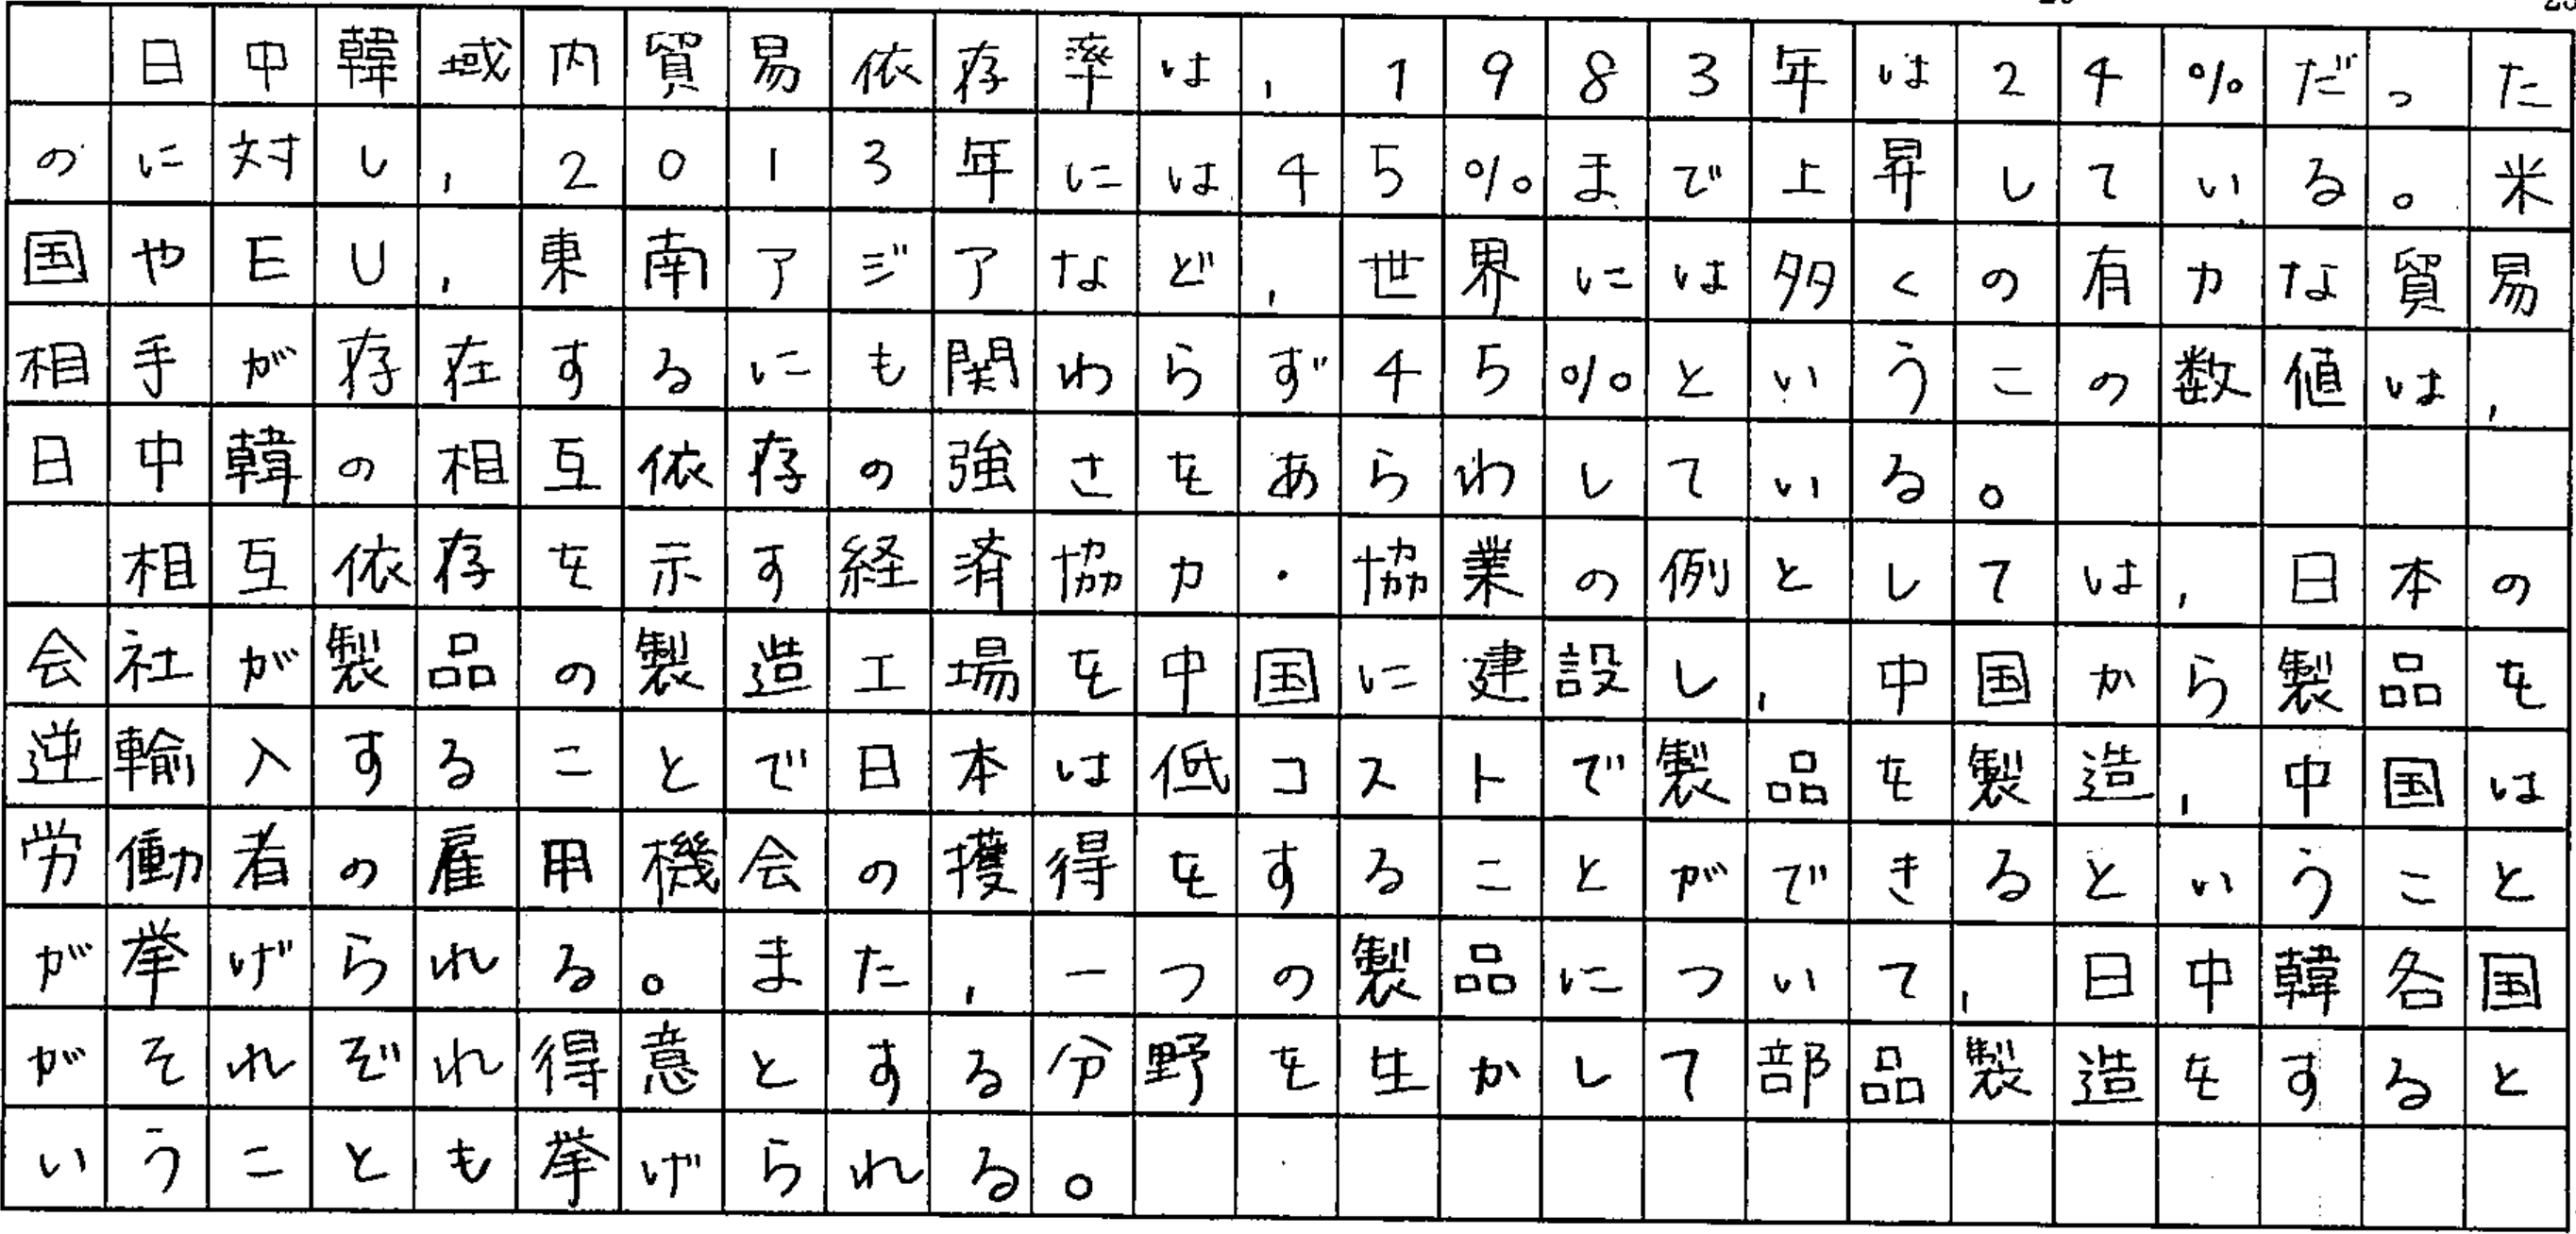　日中韓域内貿易依存率は，１９８３年は２４％だったのに対し，２０１３年には４５％まで上昇している。米国やＥＵ，東南アジアなど，世界には多くの有力な貿易相手が存在するにも関わらず４５％というこの数値は，日中韓の相互依存の強さをあらわしている。
　相互依存を示す経済協力・協業の例としては，日本の会社が製品の製造工場を中国に建設し，中国から製品を逆輸入することで日本は低コストで製品を製造，中国は労働者の雇用機会の▁得をすることができるということが挙げられる。また，一つの製品について，日中韓各国がそれぞれ得意とする分野を生かして部品製造をするということも挙げられる。
